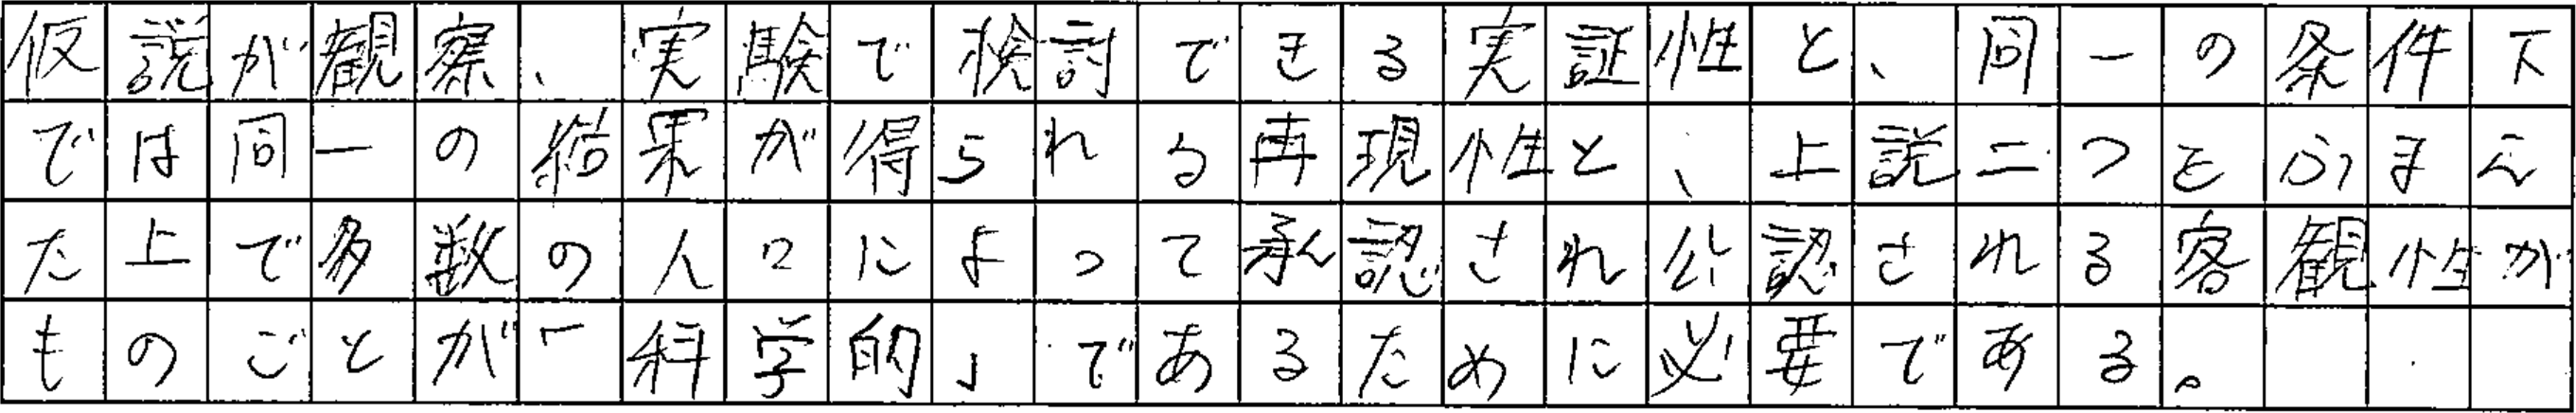仮説が観察、実験で検討できる実証性と、同一の条件下では同一の結果が得られる再現性と、上説二つをふまえた上で多数の人々によって承認され公認される客観性がものごとが「科学的」であるために必要である。
